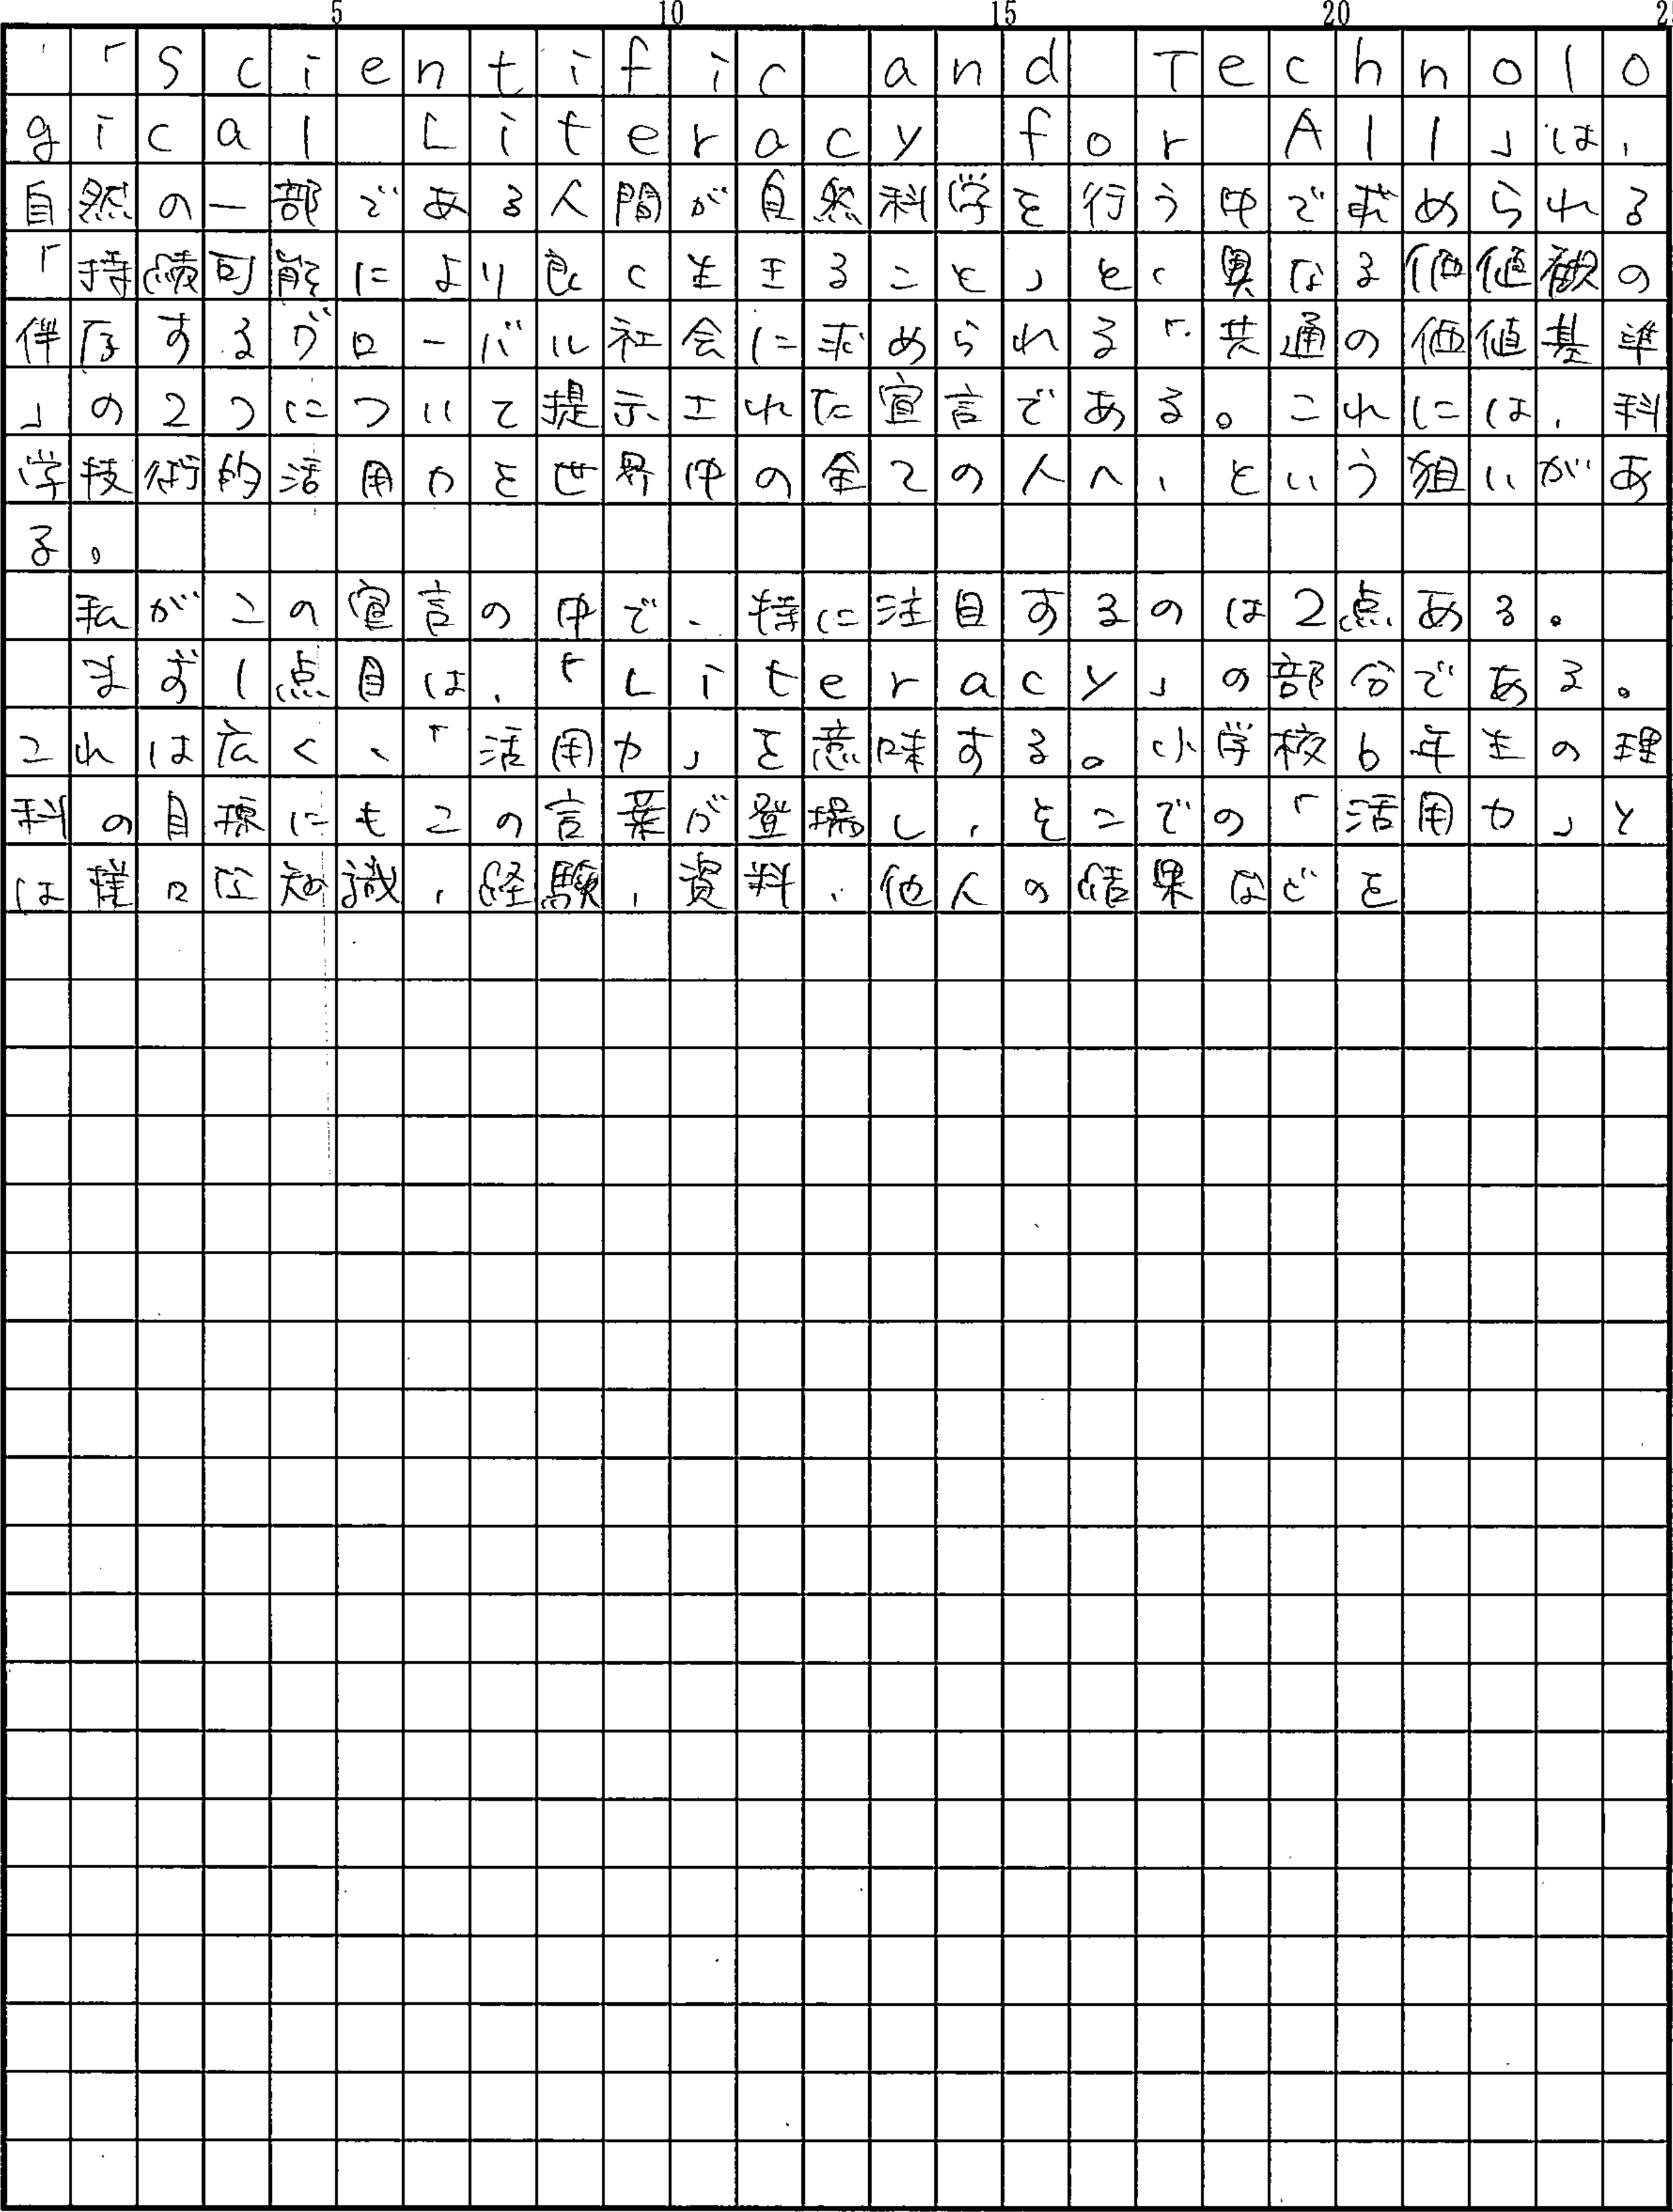　「Ｓｃｉｅｎｔｉｆｉｃ　ａｎｄ　Ｔｅｃｈｎｏｌｏｇｉｃａｌ　Ｌｉｔｅｒａｃｙ　ｆｏｒ　Ａｌｌ」は、自然の一部である人間が自然科学を行う中で求められる「持続可能により良く生きること」と、異なる価値観の伴存するグローバル社会に求められる「共通の価値基準」の２つについて提示された宣言である。これには、科学技術的活用力を世界中の全ての人へ、という狙いがある。
　私がこの宣言の中で、特に注目するのは２点ある。
　まず１点目は、「Ｌｉｔｅｒａｃｙ」の部分である。これは広く、「活用力」を意味する。小学校６年生の理科の目標にもこの言葉が登場し、そこでの「活用力」とは様々な知識、経験、資料、他人の結果などを
